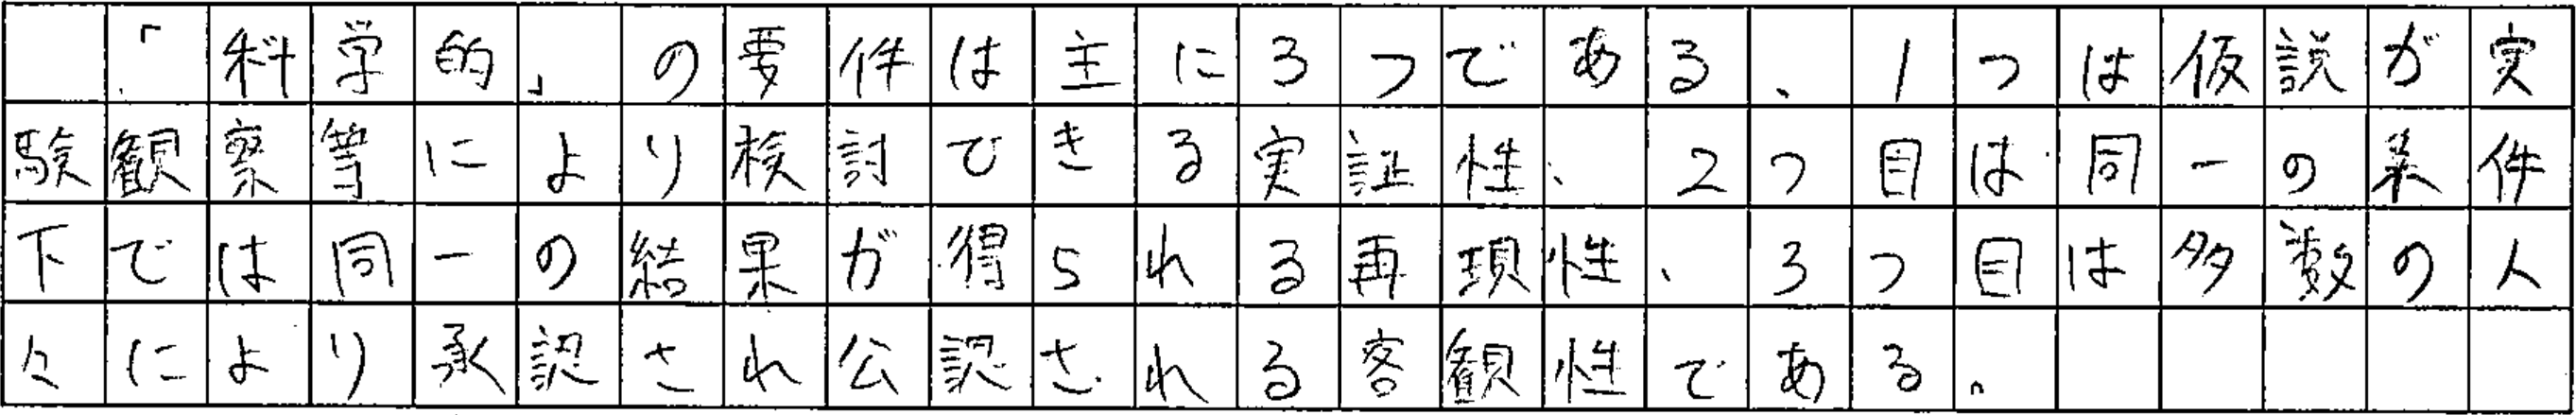　「科学的」の要件は主に３つである。１つは仮説が実験観察等により検討できる実証性、２つ目は同一の条件下では同一の結果が得られる再現性、３つ目は多数の人々により承認され公認される客観性である。
